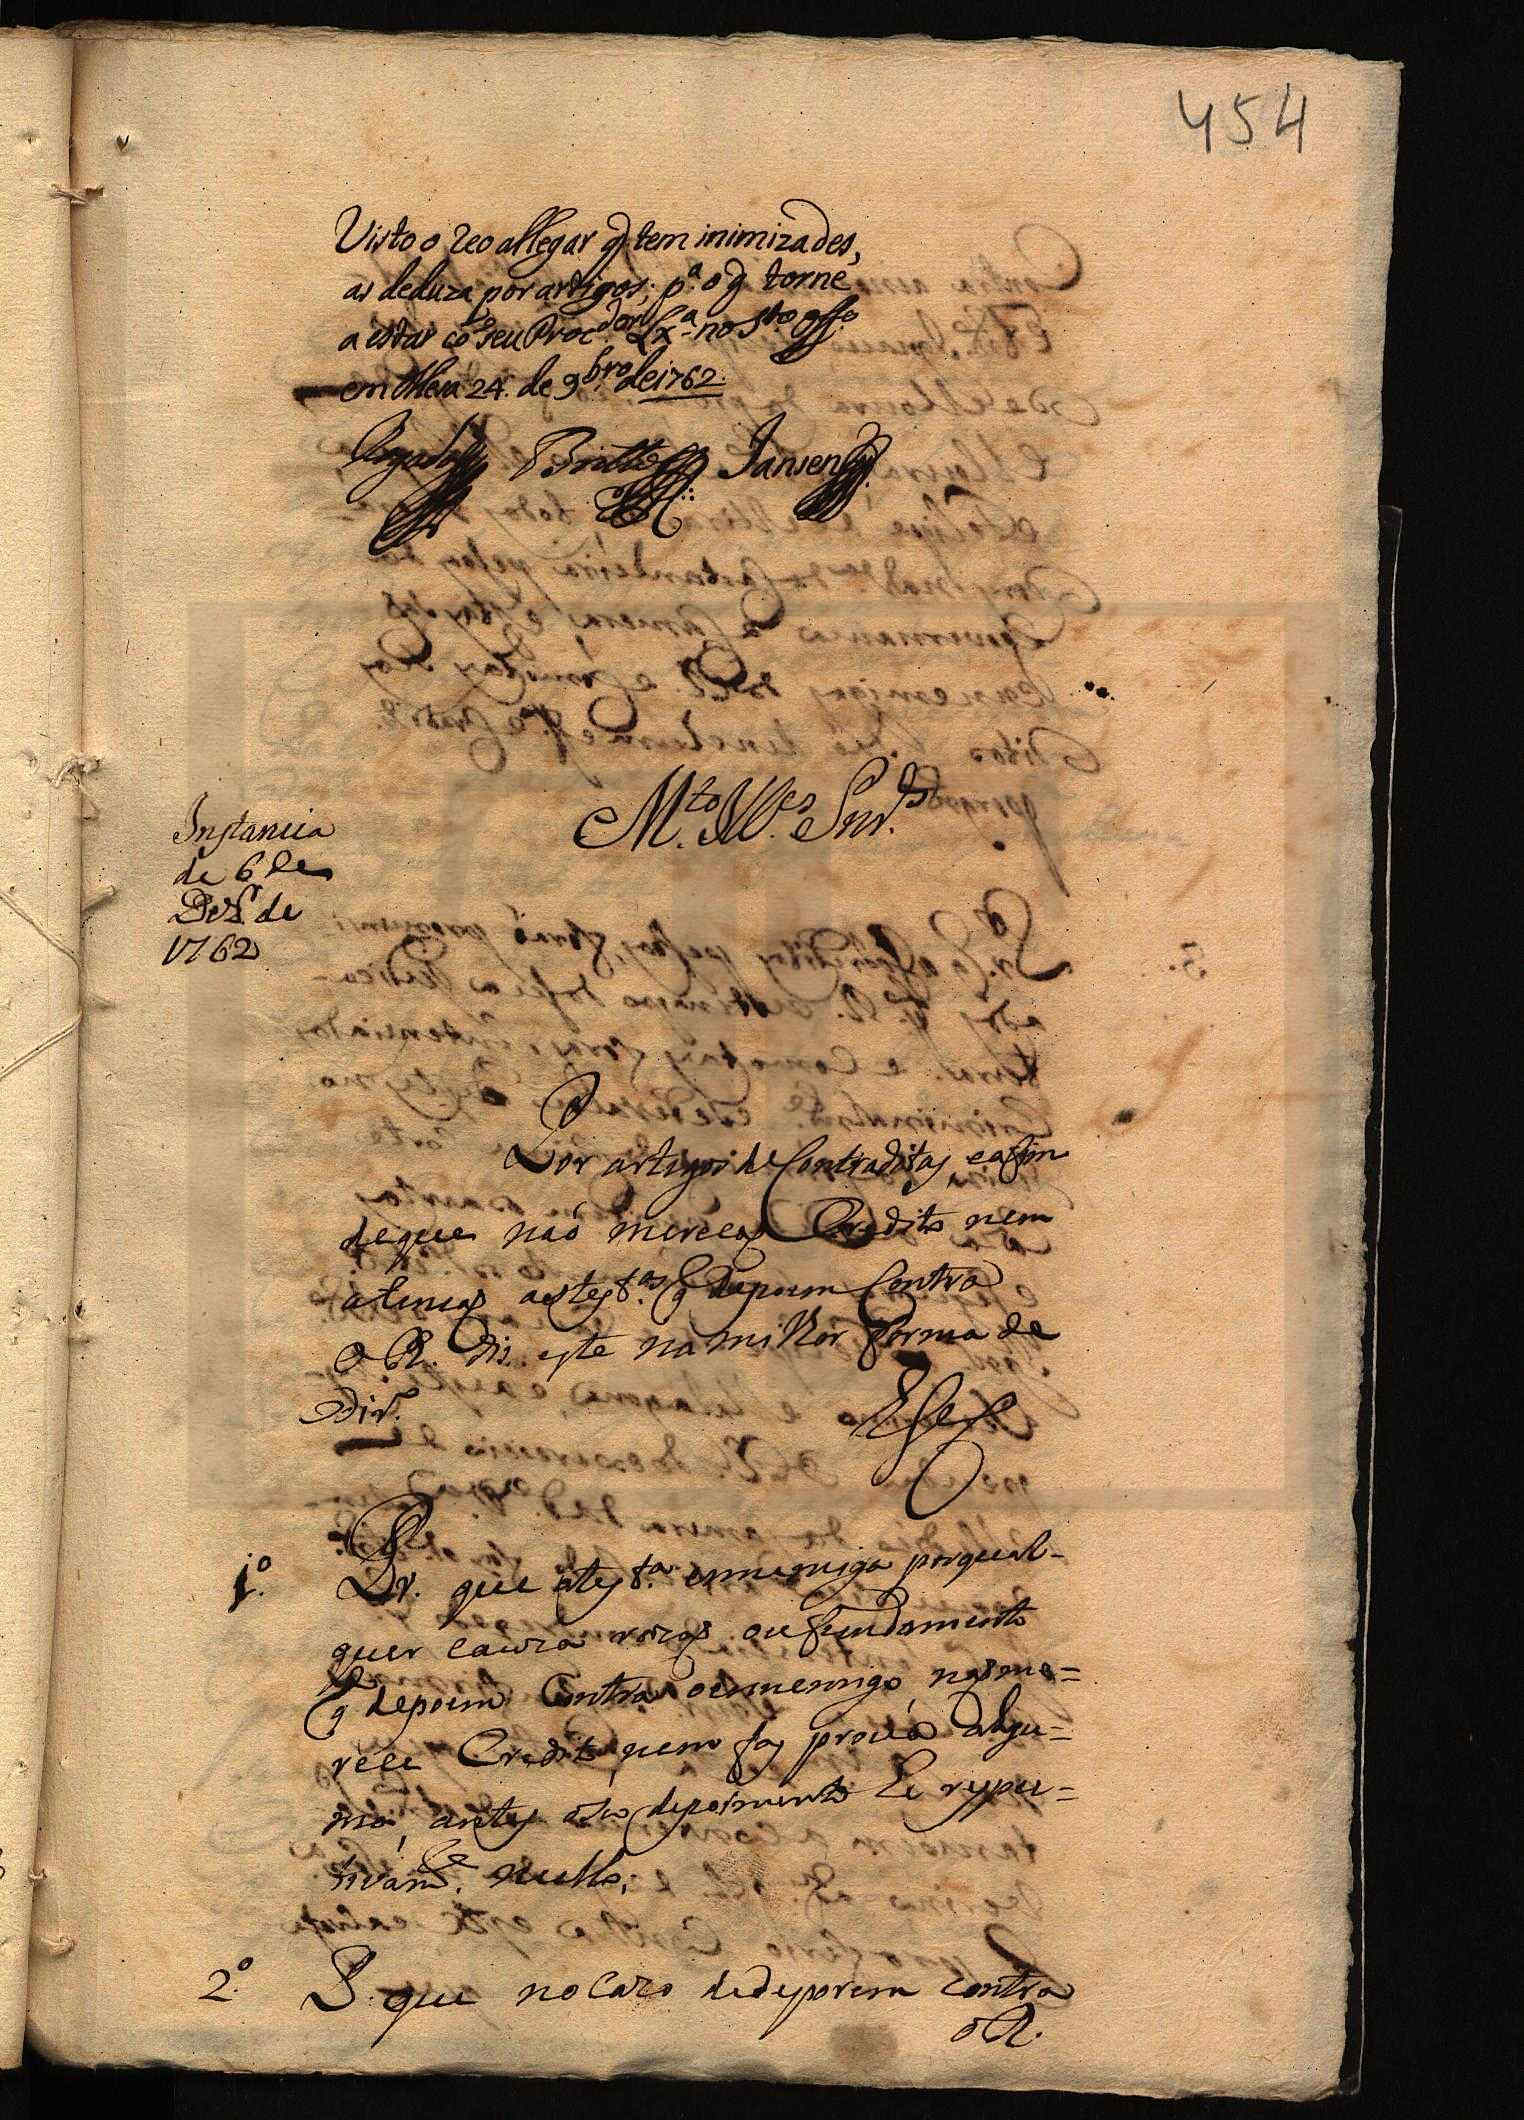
Visto o Reo allegar q̄ tem inimizades,
as deduza por artigos; p.a o q̄ torne
a estar cō seu Proc.dor Lx.a no S.to off.o
em Mesa 24. de 9.bro de i762.
Rogado
Britto
Iansen
M.to Ill.es Snr.es
Instancia
de 6 de
Dezr de
1762
Por artigos de Contraditas, e afim
de que naõ mereçaꝭ Credito nem
atençaꝭ as test.as q̄ depoem Contra
o R. dis este na milhor forma de
o dir.o
E se C.
Pr. que a test.a ennemiga por qual
1.o
quer cauza razaõ ou fundamento
q̄ depoem Contra o ennemigo, naõ me
rece Credito, nem foy proua algu
ma; antes o seo depoimento he respec
tivam.te nullo;
P. que no cazo de deporem contra
2.a
o R.
